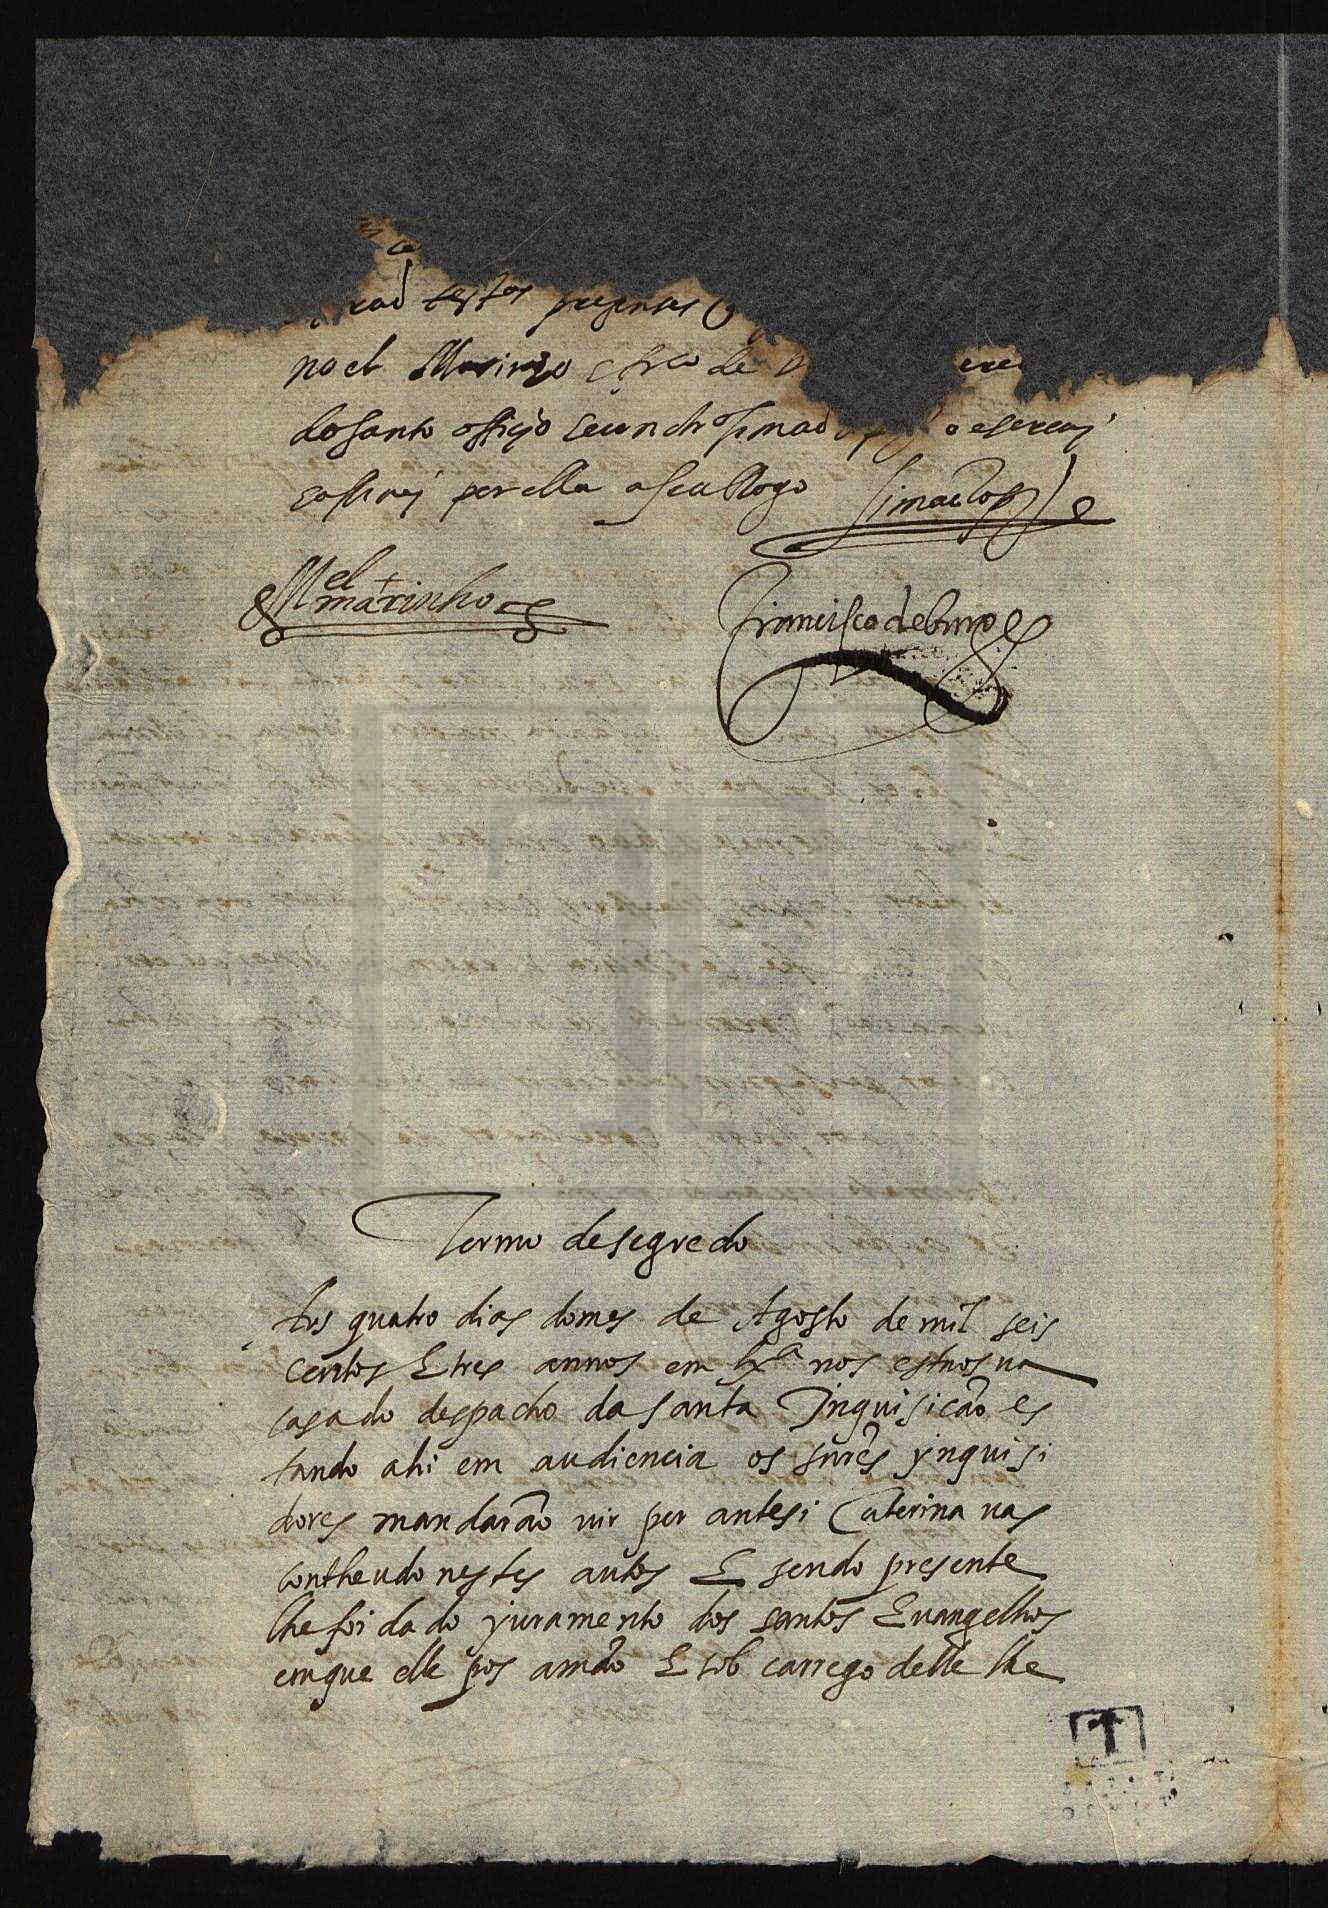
raõ testas presentes q̄
cre
noel Marinho e frco de
do santo officjo E eu notro simaõ _ o escreuj
E assinej por ella a seu Rogo
Simaõ lopez
Mel marinho
francisco de burges
Termo de segredo
Aos quatro dias do mes de Agosto de mil seis
centos E tres annos em lxa nos estaos na
casa do despacho da santa Jnquisiçaõ es
tando ahi em audiencia os snrēs ynquisi
dores mandarão uir perante si Caterina uas
contheudo nestes autos E sendo presente
lhe foi dado yuramento dos santos Euangelhos
em que elle pos a mão E sob carrego delle lhe
